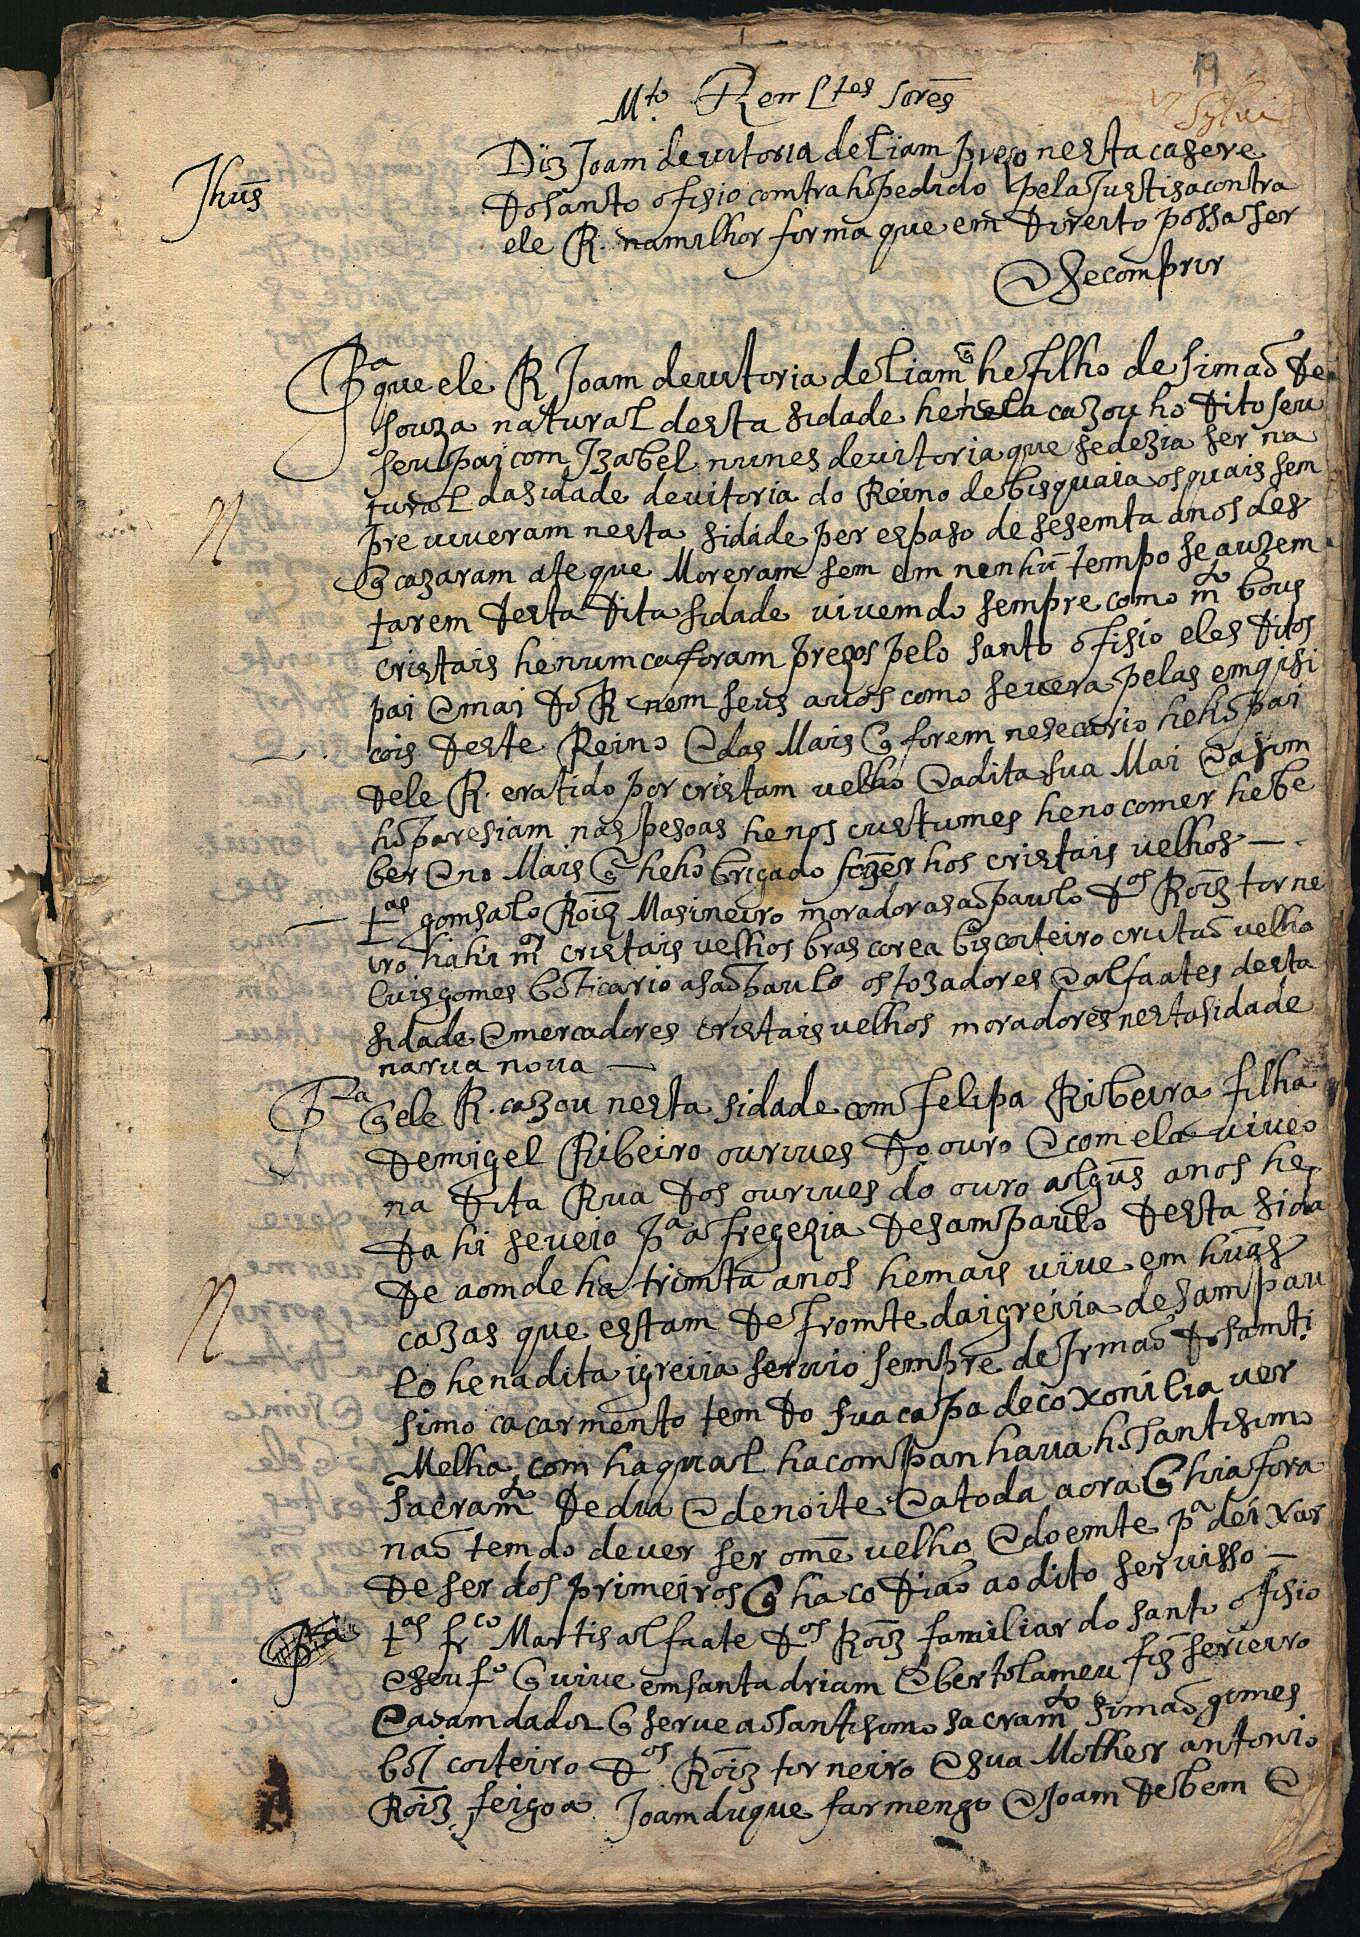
Jhūs
Mto Rem Ltes Sorēs
Diz Joam de uitoria de Liam prezo nesta casere
Do santo ofisio comtra ho pedido pela Justisa contra
ele R. na milhor forma que em Direito possa ser
e Se comprir
P que elle R Joam de uitoria de Liam he filho de Simaõ De
souza naturaL desta sidade he nela cazou ho Dito seu
seu pai com Jzabel nunes de uitoria que se dezia ser na
turaL da sidade de uitoria do Reino de bisquaia os quais sem
pre uiueram nesta sidade per espaso de sesemta anos des
q̄ cazaram ate que Moreram sem em nenhū tempo se auzem
tarem Desta Dita sidade uiuemdo sempre como mto bous
cristais he numca foram prezos pelo santo ofisio eles Ditos
pai e mai Do R nem seus auos como se uera pelas emqisi
cois Deste Reino e das Mais q̄ forem nesecario he ho pai
Dele R. era tido por cristam uelho e a dita sua Mai e asim
ho paresiam nas pesoas he nos custumes he no comer he be
ber e no Mais q̄ he hobrigado fazer hos cristais uelhos
tas gomsalo Roīz Masineiro morador a saõ paulo Dos Roīz torne
iro hahi mor cristais uelhos bras corea biscoiteiro cristaõ uelho
luis gomes boticario a saõ paulo os tozadores e alfaates desta
sidade e mercadores cristais uelhos moradores nesta sidade
na rua noua
Pra q̄ elle R. cazou nesta sidade com felipa Ribeira filha
De migel Ribeiro ouriues Do ouro e com ela uiueo
na Dita Rua Dos ouriues Do ouro algūs anos he
Dahi se ueio pa a fregezia De sam paulo Desta sida
De aomde ha trinta anos he mais uiue em hūas
cazas que estam Defromte da igreiia de sam pau
lo he na dita igreiia seruio sempre de Jrmaõ Do samti
simo cacarmento temDo sua capa de coxonilia uer
Melha com ha qual hacompanhaua ho santisimo
Sacramto De dia e de noite e a toda a ora q̄ hia fora
naõ temdo deuer ser omē uelho e doemte pa deixar
De ser dos primeiros q̄ hacoDião ao dito seruisso
tas fr.co Martis alfaate Dos Rōiz familiar do Santo ofisio
e seu fo q̄ uiue em santadriam e bertolameu frz serieiro
e ao amdador q̄ serue ao santisimo sacramto simaõ gomes
bol coiteiro Dos Roīz torneiro e sua Molher antonio
Roīz feigoa Joam duque farmengo e Joam De bem e
